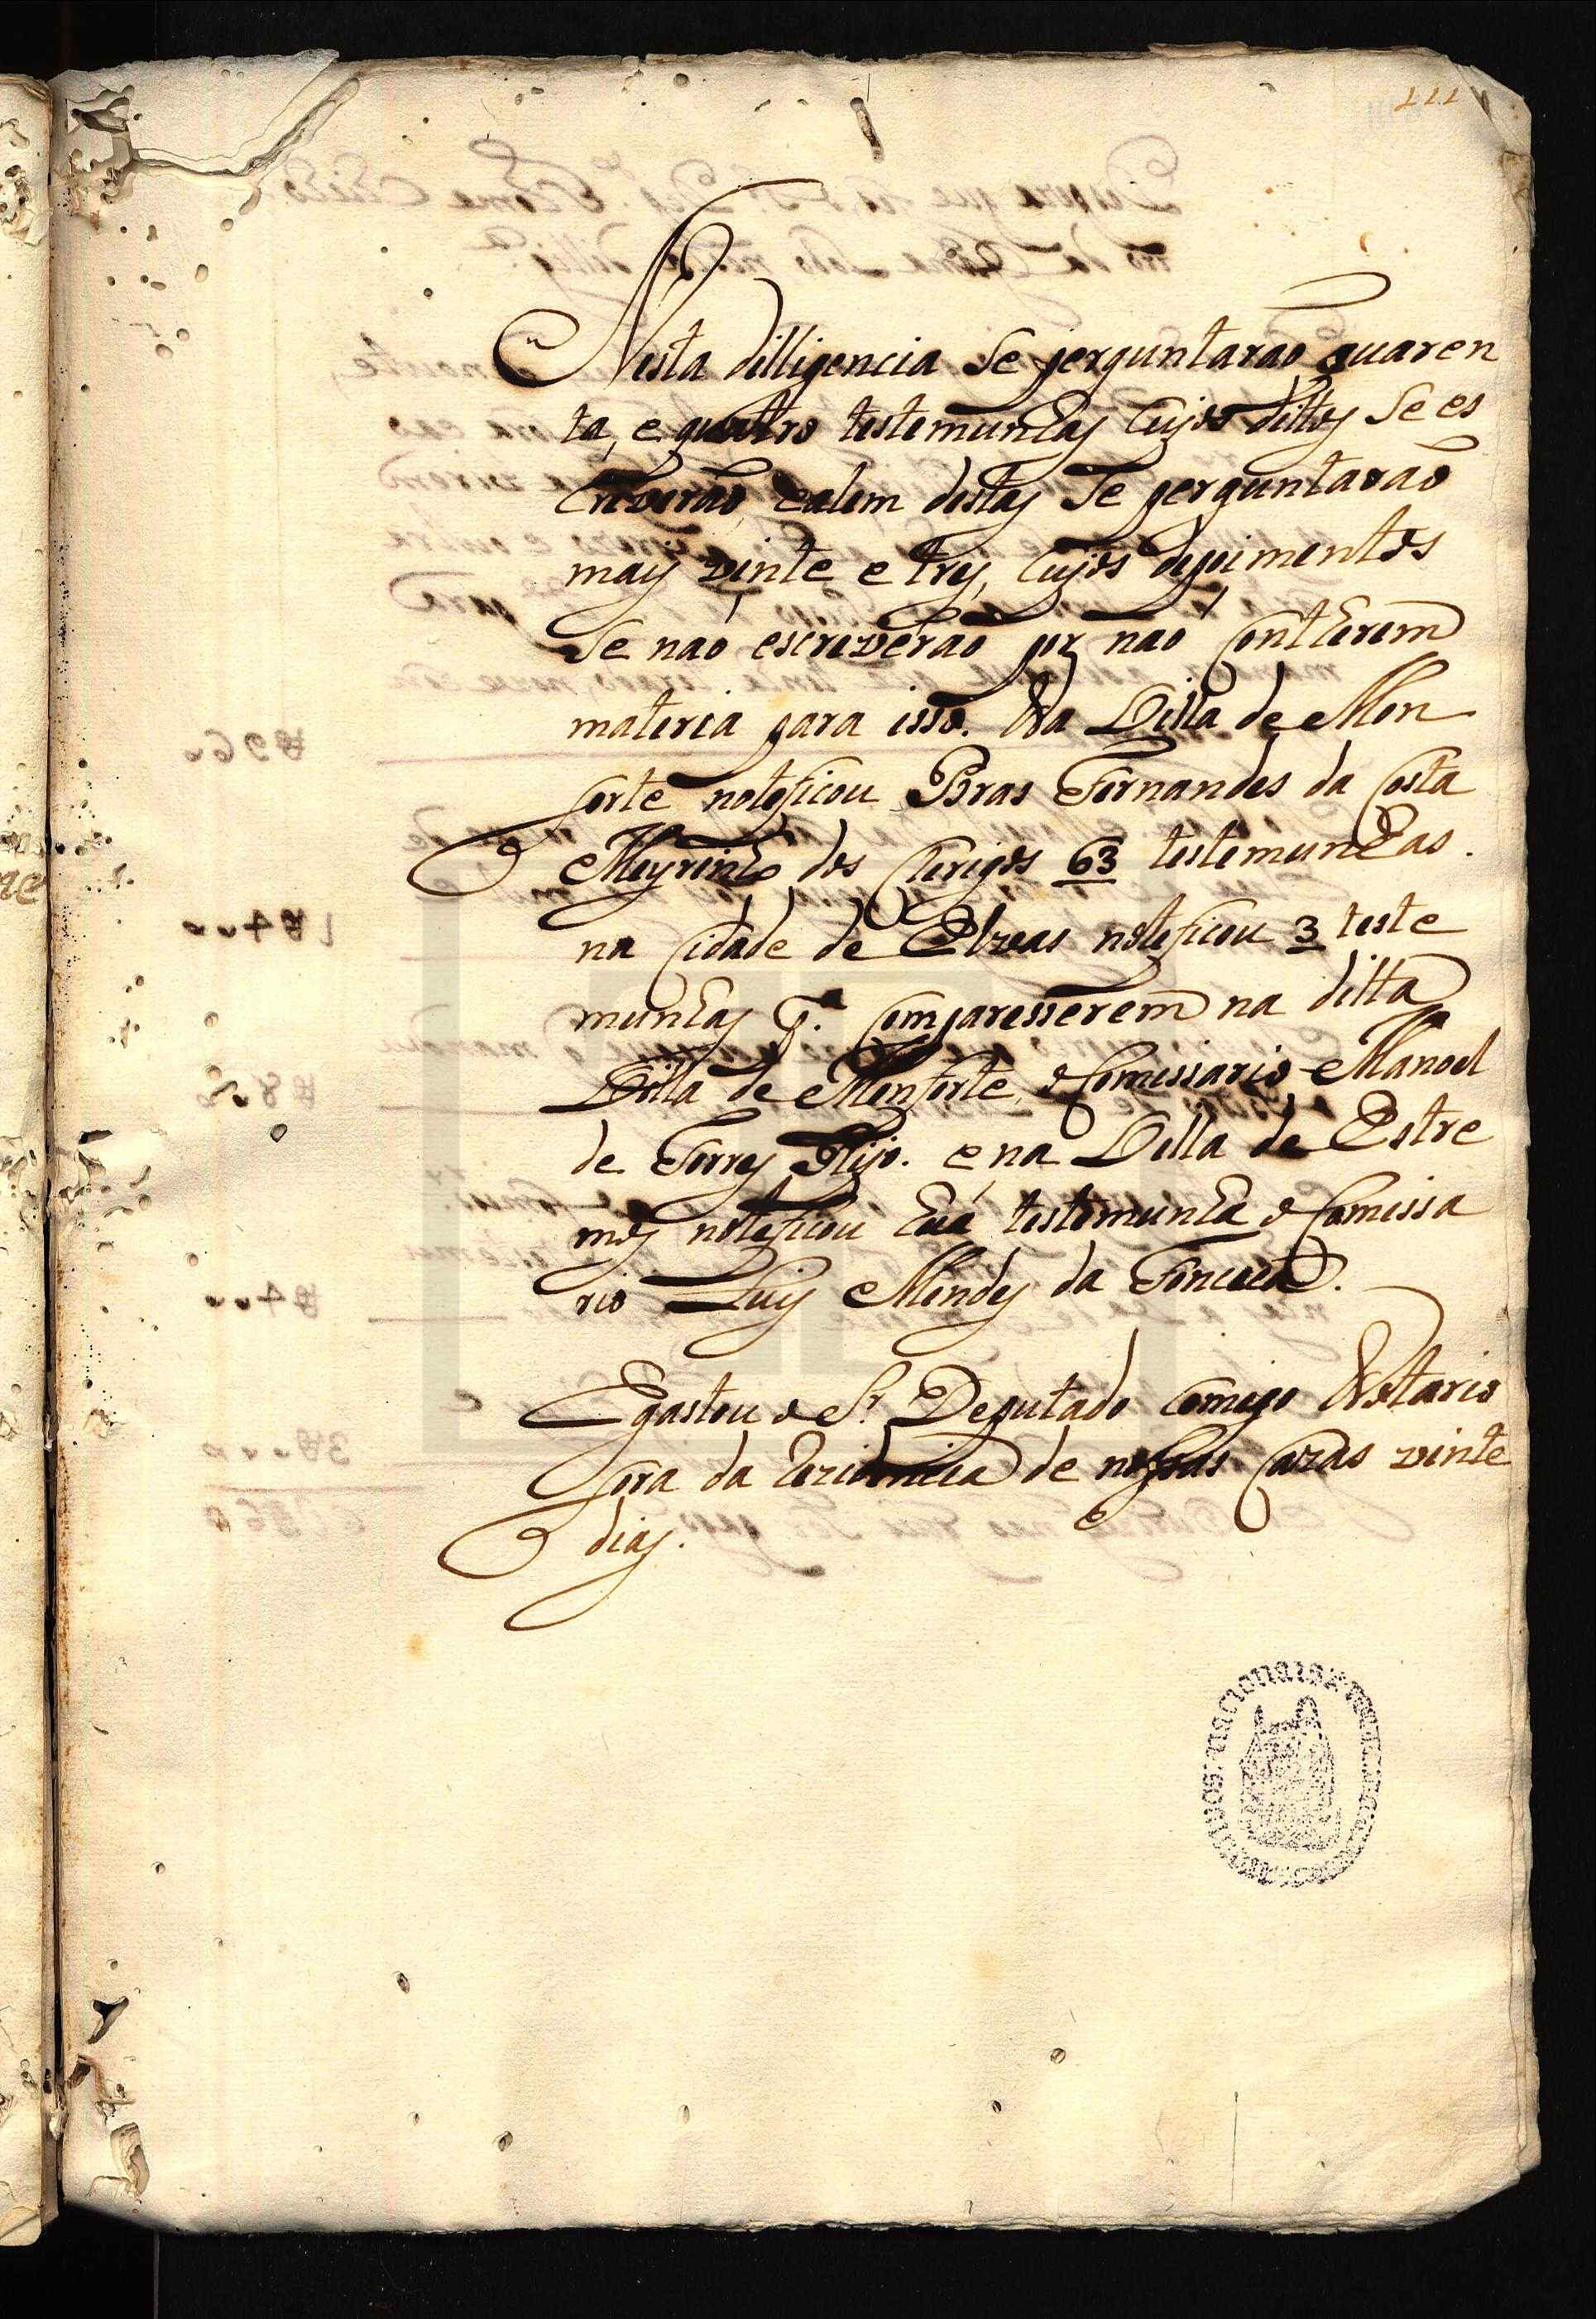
111
Nesta dilligencia se perguntarão quaren
ta, e quatro testemunhas cujos dittos se es
creverão, e alem destas se perguntaraõ
mais vinte e tres, cujos depoimentos
se naõ escreveraõ por naõ Contherem
materia para isso. Na Villa de Mon
forte noteficou Bras Fernandes da Costa
Meyrinho dos Clerigos 63 testemunhas.
na Cidade de Elvas noteficou 3 teste
munhas p.a Comparesserem na ditta
Villa de Monforte, o Comissario Manoel
de Torres Rijo. e na Villa de Estre
mos noteficou huā testemunha o Comissa
rio Luis Mendes da Fonceca.
E gastou o S.r Deputados comigo Notario
fora da Rezidencia de nossas Cazas vinte
dias.
